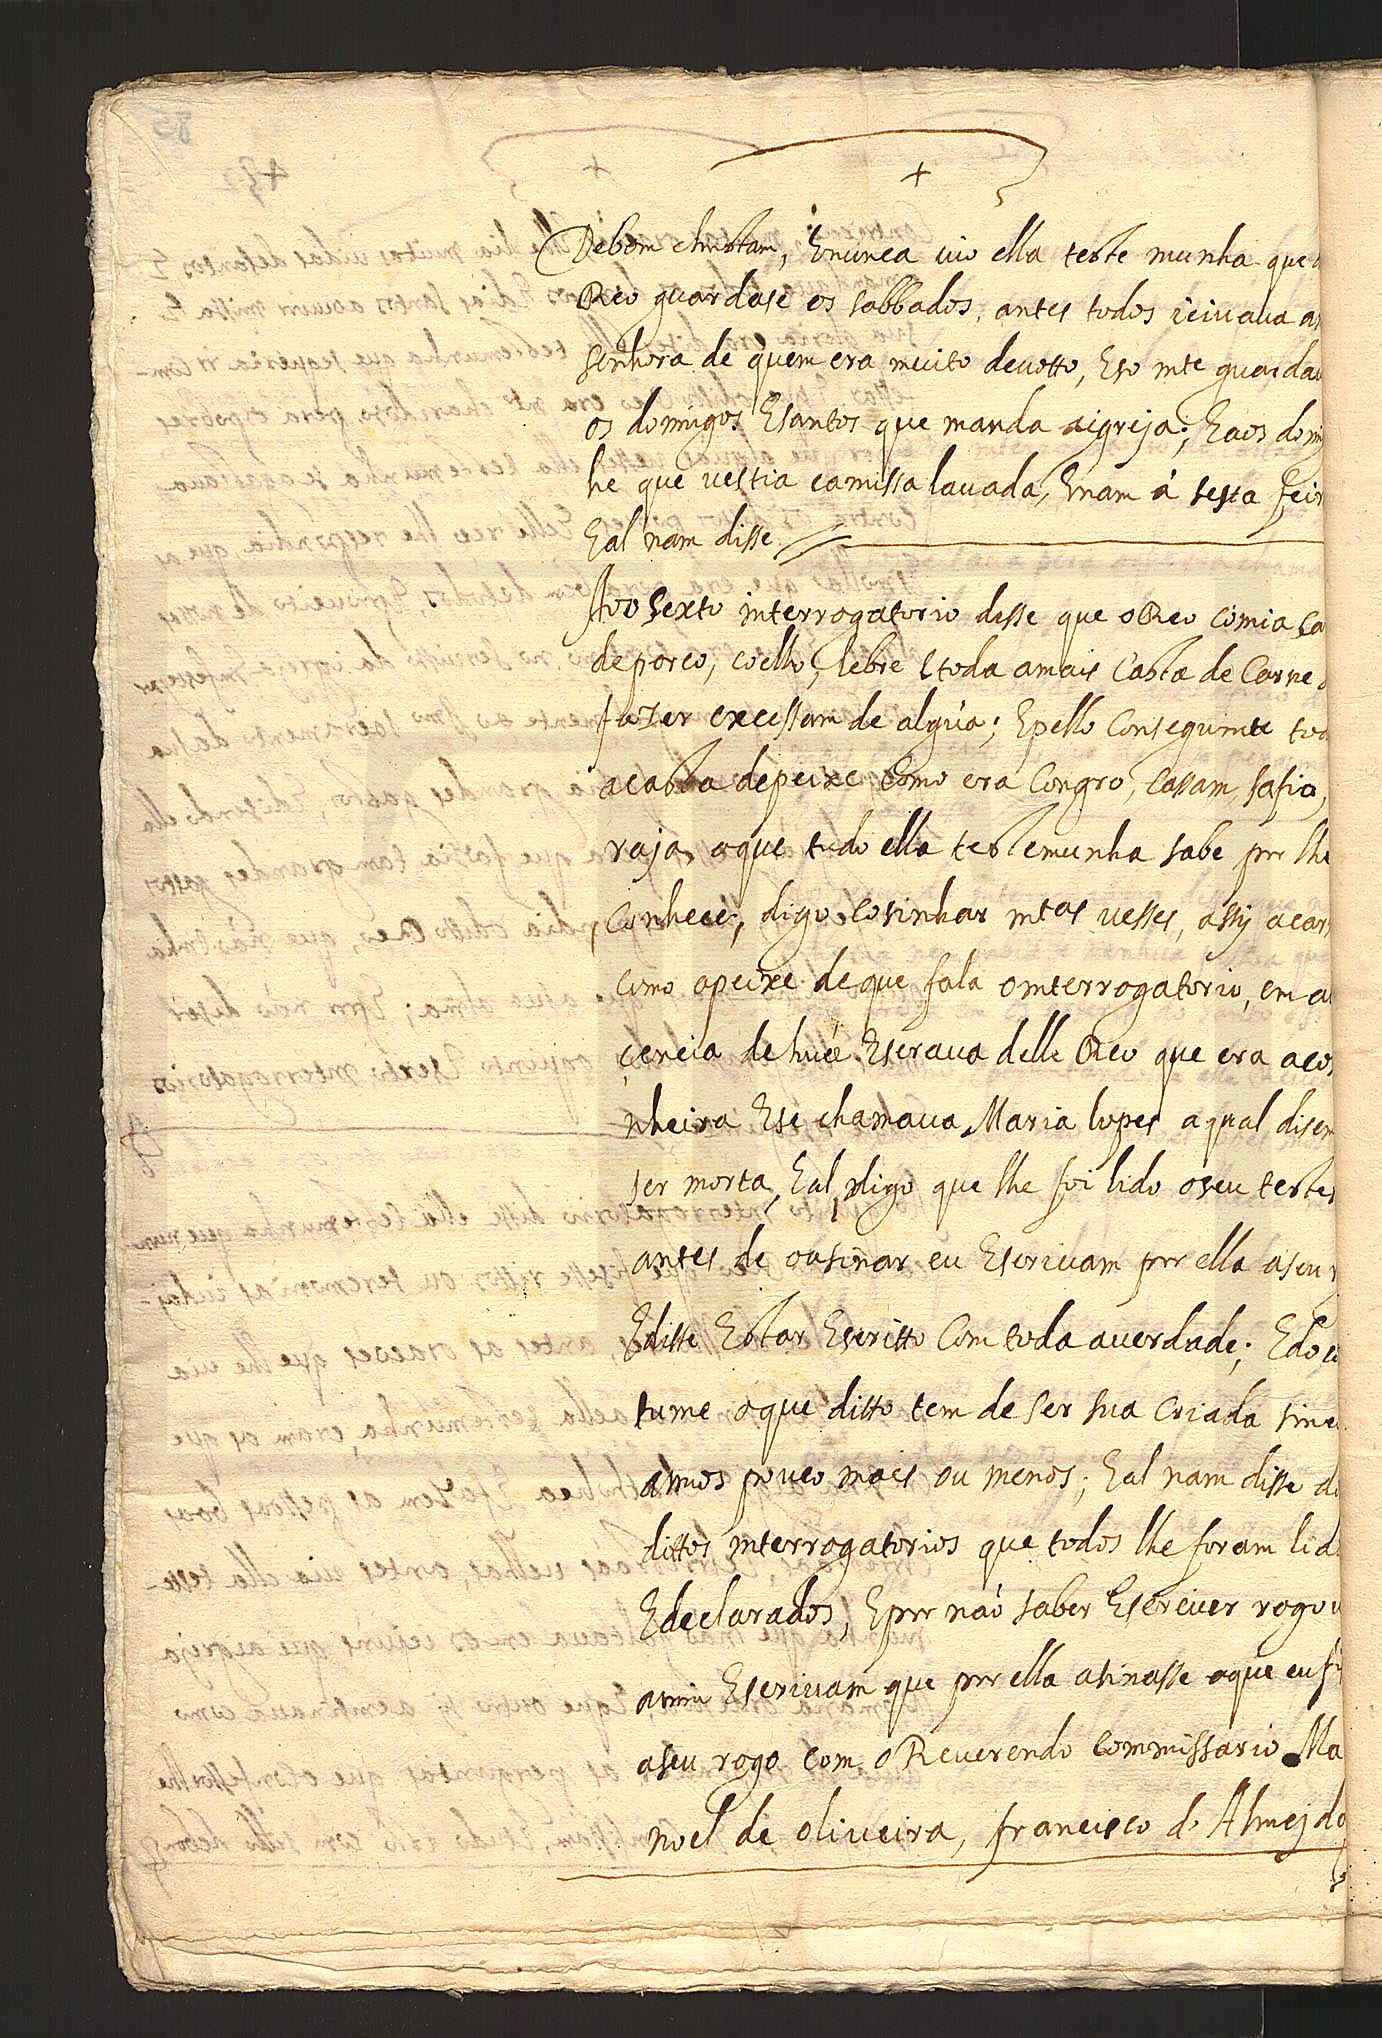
De bom christam, E nunca uio ella testemunha que
Reo guardase os sabbados, antes todos ieiuaua a
Senhora de quem era muito deuotto, E somte guarda
os domingos E santos que manda a igreja; E aos domi
he que uestia camissa lauada, E nam à sesta feir
E al nam disse
Aoo Sexto interrogatorio disse que o Reo comia ca
de porco, coelho, lebre e toda a mais Casta de Carne
fazer excessam de algūa; E pello conseguinte to
a casta de peixe Como era Congro, cassam, Safio,
raja o que tudo ella testemunha sabe por lhe
Conhecer, digo cosinhar mtas uesses, assy a car
como o peixe de que fala o interrogatorio, em a
çencia de huā Escraua delle Reo que era a co
nheira E se chamaua Maria lopes a qual disem
ser morta, E al, digo que lhe foi lido o seu teste
antes de o asinar eu Escriuam por ella a seu r
E disse Estar Escritto Com toda a uerdade; E do c
tume o que ditto tem de ser sua criada sinc
annos pouco mais ou menos; E al nam disse d
dittos interrogatorios que todos lhe foram lid
E declarados, E por naõ saber Escreuer rogou
a mim Escriuam que por ella asinasse o que eu fi
a seu rogo com o Reuerendo commissario Ma
noel de oliueira, francisco d'Almejda
